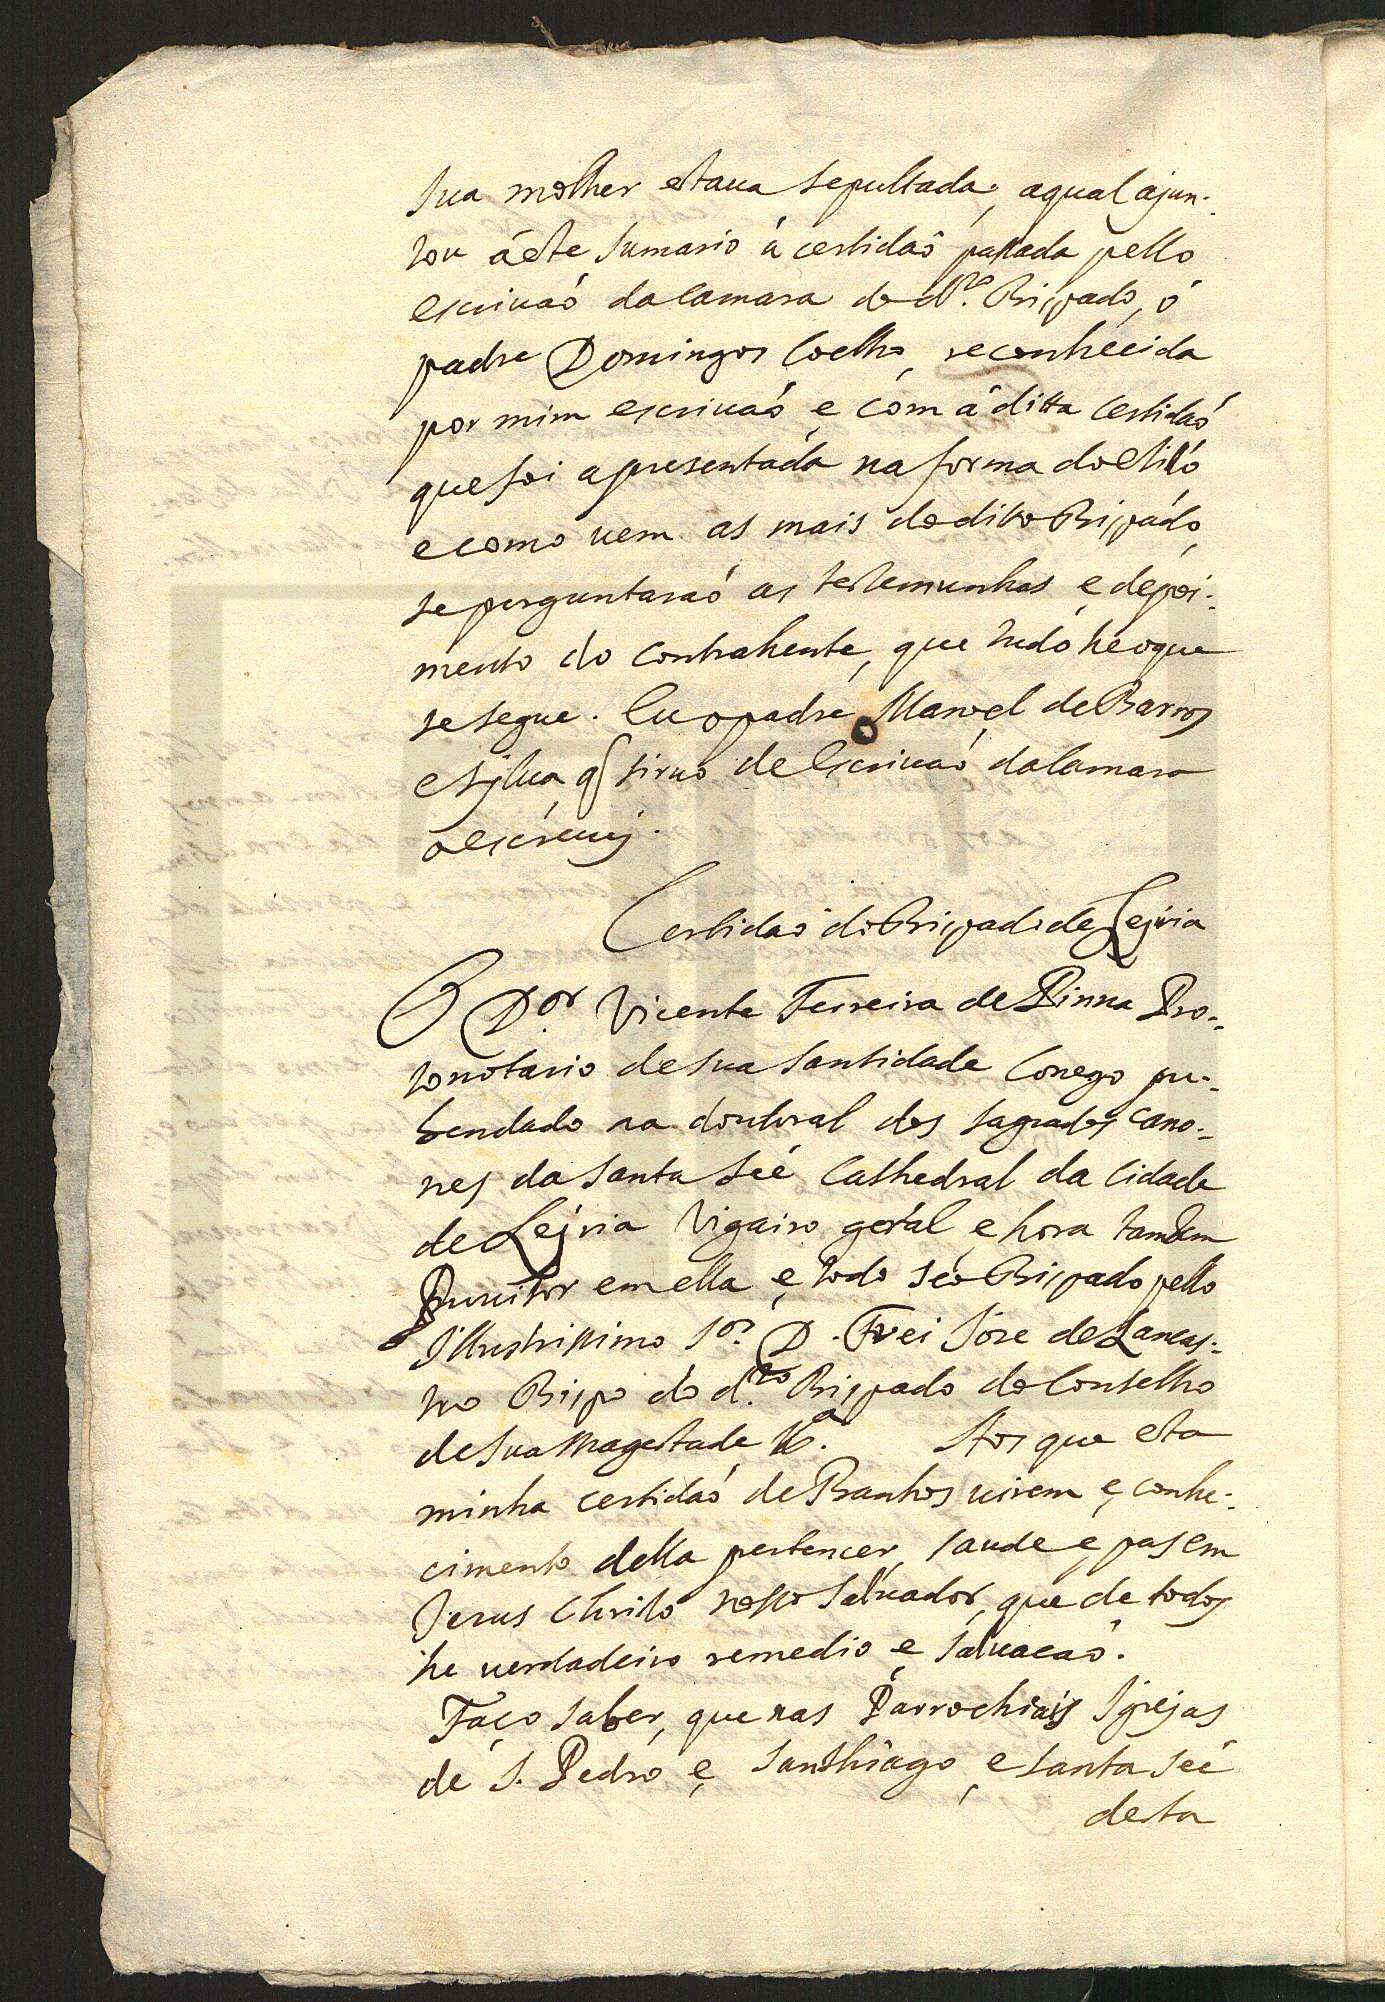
sua molher estaua sepultada, a qual ajun
tou á este sumario á certidaõ pasada pello
escriuaõ da camara do d.to Bispado, ó
padre Domingos Coelho, reconhecida
por mim escriuaõ e com á ditta certidaõ
que foi aprezentada na forma do estillo
e como uem as mais do ditto Bispado,
se perguntaraõ as testemunhas e, depoi
mento do contrahente, que tudo he o que
se segue. Eu o padre Manoel de Barros
e sjlua, q̄ siruo de Escriuaõ da Camara
o escreuy.
Certidaõ do bispado de Lejria
O D.or Vicente Ferreira de Pinna Pro
to notario de Sua Santidade Conego pre
bendado na doutoral dos sagrados cano
nes da Santa Seé Cathedral da Cidade
de Lejria vigairo geral e hora tambem
Prouisor em ella e, todo seo Bispado pello
Illustrissimo sor. D. Frei Joze de Lancas
tro Bispo do d.to Bispado do Conselho
de Sua Magestade &a. Aos que esta
minha certidaõ de Banhos uirem e, conhe
cimento della pertencer saude, e pas em
Jezus Christo nosso Saluador, que de todos
he uerdadeiro remedio, e saluaçaõ.
Faço saber, que nas Parrochiais Igrejas
de S. Pedro, e Santhiago, e Santa Seé
desta
